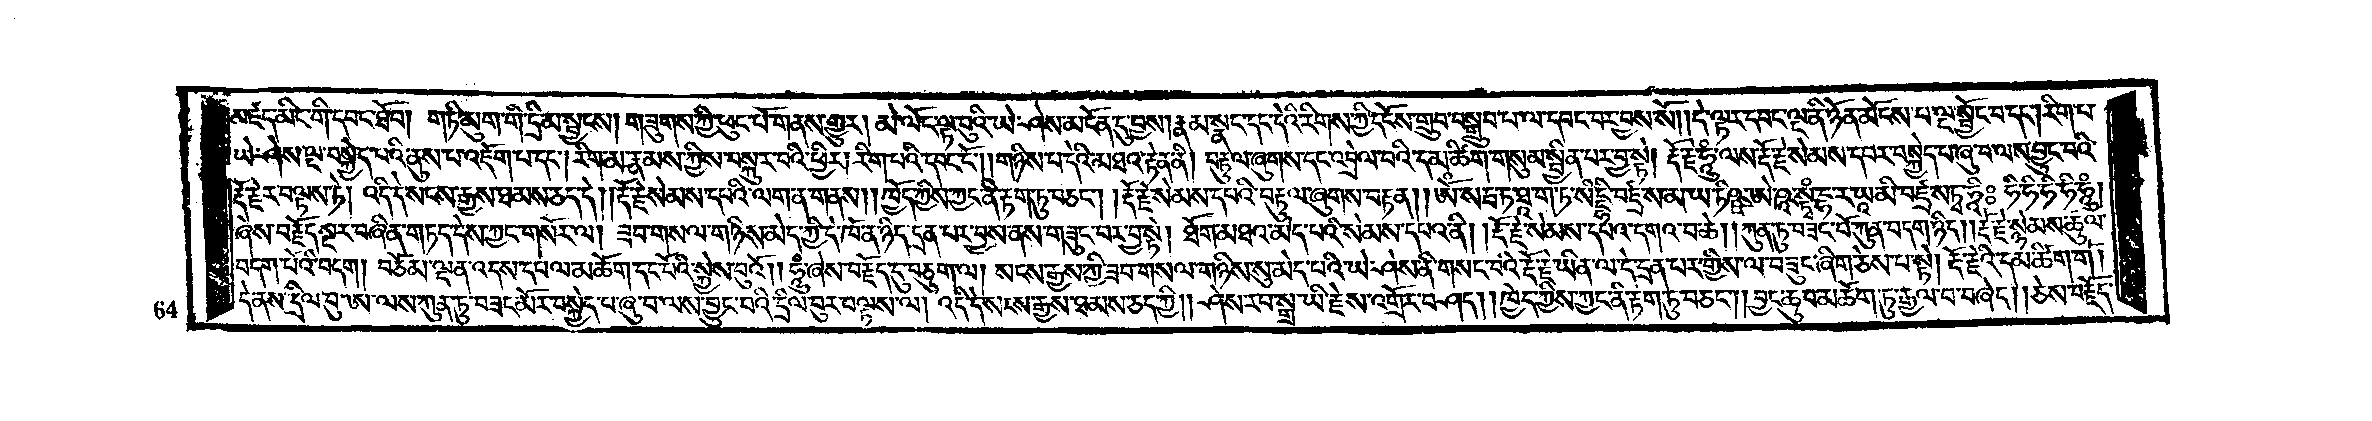མཛད་མིང་གི་དབང་ཐོབ། གཏི་མུག་གི་དྲི་མ་སྦྱངས། གཟུགས་ཀྱི་ཕུང་པོ་གནས་གྱུར། མེ་ལོང་ལྟ་བུའི་ཡེ་ཤེས་མངོན་དུ་བྱས། རྣམ་སྣང་དང་དེའི་རིགས་ཀྱི་དངོས་གྲུབ་བསྒྲུབ་པ་ལ་དབང་བར་བྱས་སོ། །དེ་ལྟར་དབང་ལྔ་ནི་ཉོན་མོངས་པ་ལྔ་སྦྱོང་བ་དང་། རིག་པ་
ཡེ་ཤེས་ལྔ་བསྐྱེད་པའི་ནུས་པ་འཇོག་པ་དང་། རིག་མ་རྣམས་ཀྱིས་བསྐུར་བའི་ཕྱིར། རིག་པའི་དབང་ངོ། །གཉིས་པ་དེའི་མཐའ་རྟེན་ནི། བརྟུལ་ཞུགས་དང་འབྲེལ་བའི་དམ་ཚིག་གསུམ་སྦྱིན་པར་བྱ་སྟེ། རྡོ་རྗེ་ཧཱུཾ་ལས་རྡོ་རྗེ་སེམས་དཔར་བསྐྱེད་པ་ཞུ་བ་ལས་བྱུང་བའི་
རྡོ་རྗེར་བལྟས་ཏེ། འདི་དེ་སངས་རྒྱས་ཐམས་ཅད་དེ། །རྡོ་རྗེ་སེམས་དཔའི་ལག་ན་གནས། །ཁྱོད་ཀྱིས་ཀྱང་ནི་རྟག་ཏུ་བཅང་། །རྡོ་རྗེ་སེམས་དཔའི་བརྟུལ་ཞུགས་བརྟན། །ཨོཾ་སརྦ?་ཏ་ཏཱ་ག་ཏ་སིངདྷི་བྫྲ་ས་མ་ཡ་ཏི་ཥཊཿཨ་ཨེ་ཥཱ་སྟྭཾ་དྷ་ར་ཡཱ་མི་བྫྲ་ས་ཏྭ་ཧཱིཿ ཧི་ཧི་ཧི་ཧི་ཧཱུཾ།
ཞེས་བརྗོད་སྔར་བཞིན་གཏད་དེས་ཀྱང་གསོར་ལ། ཟབ་གསལ་གཉིས་མེད་ཀྱི་དེ་ཁོ་ན་ཉིད་དྲན་པར་བྱས་ནས་གཟུང་བར་བྱ་སྟེ། ཐོག་མཐའ་མེད་པའི་སེམས་དཔའ་ནི། །རྡོ་རྗེ་སེམས་དཔའ་དགའ་བ་ཆེ། །ཀུན་ཏུ་བཟང་པོ་ཀུན་བདག་ཉིད། །རྡོ་རྗེ་སྙེམས་ཚུལ་
བདག་པོའི་བདག །བཅོམ་ལྡན་འདས་དཔལ་མཆོག་དང་པོའི་སྐྱེས་བུའོ། །ཧཱུཾ་ཞེས་བརྗོད་དུ་བཅུག་ལ། སངས་རྒྱས་ཀྱི་ཟབ་གསལ་གཉིས་སུ་མེད་པའི་ཡེ་ཤེས་ནི་གསང་བའི་རྡོ་རྗེ་ཡིན་ལ་དེ་དྲན་པར་གྱིས་ལ་བཟུང་ཞིག་ཅེས་པ་སྟེ། རྡོ་རྗེའི་དམ་ཚིག་གོ །
དེ་ནས་དྲིལ་བུ་ཨ་ལས་ཀུན་ཏུ་བཟང་མོར་བསྐྱེད་པ་ཞུ་བ་ལས་བྱུང་བའི་དྲིལ་བུར་བལྟས་ལ། འདི་དེ་སངས་རྒྱས་ཐམས་ཅད་ཀྱི། །ཤེས་རབ་སྒྲ་ཡི་རྗེས་འགྲོར་བཤད། །ཁྱེད་ཀྱིས་ཀྱང་ནི་རྟག་ཏུ་བཅང་། །བྱང་ཆུབ་མཆོག་ཏུ་རྒྱལ་བ་བཞེད། །ཅེས་བརྗོད་